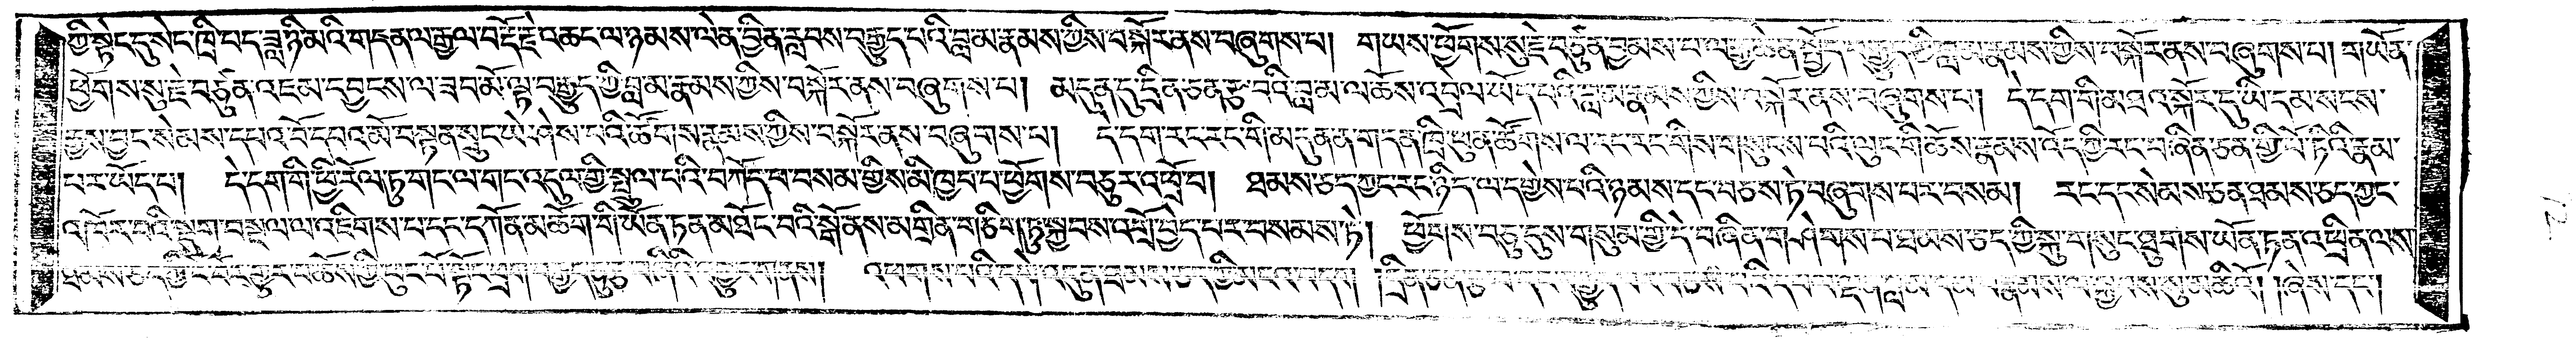ཀྱི་སྟེང་དུ་སེང་ཁྲི་པད་ཟླ་ཉི་མའི་གདན་ལ་རྒྱལ་བ་རྡོ་རྗེ་འཆང་ལ་ཉམས་ལེན་བྱིན་རླབས་བརྒྱུད་བའི་བླ་མ་རྣམས་ཀྱིས་བསྐོར་ནས་བཞུགས་པ། གཡས་ཕྱོགས་སུ་རྗེ་བཙུན་བྱམས་པ་ལ་རྒྱ་ཆེན་སྤྱོད་བརྒྱུད་ཀྱི་བླ་མ་རྣམས་ཀྱིས་བསྐོར་ནས་བཞུགས་པ། གཡོན་
ཕྱོགས་སུ་རྗེ་བཙུན་འཇམ་དབྱངས་ལ་ཟབ་མོ་ལྟ་བརྒྱུད་ཀྱི་བླ་མ་རྣམས་ཀྱིས་བསྐོར་ནས་བཞུགས་པ། མདུན་དུ་དྲིན་ཅན་རྩ་བའི་བླ་མ་ལ་ཆོས་འབྲེལ་ཡོད་པའི་བླ་མ་རྣམས་ཀྱིས་བསྐོར་ནས་བཞུགས་པ། དེ་དག་གི་མཐའ་སྐོར་དུ་ཡི་དམ་སངས་
རྒྱས་བྱང་སེམས་དཔའ་བོ་དཔའ་མོ་བསྟན་སྲུང་ཡེ་ཤེས་པའི་ཚོགས་རྣམས་ཀྱིས་བསྐོར་ནས་བཞུགས་པ། དེ་དག་རང་རང་གི་མདུན་ན་གདན་ཁྲི་ཕུན་ཚོགས་ལ་རང་རང་གིས་གསུངས་བའི་ལུང་གི་ཆོས་རྣམས་འོད་ཀྱི་རང་བཞིན་ཅན་གྱི་པོ་ཏིའི་རྣམ་
པར་ཡོད་པ། དེ་དག་གི་ཕྱི་རོལ་ཏུ་གང་ལ་གང་འདུལ་གྱི་སྤྲུལ་པའི་བཀོད་པ་བསམ་གྱིས་མི་ཁྱབ་པ་ཕྱོགས་བཅུར་འཕྲོ་བ། ཐམས་ཅད་ཀྱང་རང་ཉིད་ལ་དགྱེས་བའི་ཉམས་དང་བཅས་ཏེ་བཞུགས་པར་བསམ། རང་དང་སེམས་ཅན་ཐམས་ཅད་ཀྱང་
འཁོར་བའི་སྡུག་བསྔལ་ལ་འཇིགས་པ་དང་དཀོན་མཆོག་གི་ཡོན་ཏན་མཐོང་བའི་སྒོ་ནས་མགྲིན་གཅིག་ཏུ་སྐྱབས་འགྲོ་བྱེད་པར་བསམས་ཏེ། ཕྱོགས་བཅུ་དུས་གསུམ་གྱི་དེ་བཞིན་གཤེགས་པ་ཐམས་ཅད་ཀྱི་སྐུ་གསུང་ཐུགས་ཡོན་ཏན་འཕྲིན་ལས་
ཐམས་ཅད་ཀྱི་ངོ་བོར་གྱུར་བ་ཆོས་ཀྱི་ཕུང་པོ་སྟོང་ཕྲག་བརྒྱད་ཅུ་རྩ་བཞིའི་འབྱུང་གནས། འཕགས་པའི་དགེ་འདུན་ཐམས་ཅད་ཀྱི་མངའ་བདག །དྲིན་ཅན་རྩ་བ་དང་བརྒྱུད་པར་བཅས་པའི་དཔལ་ལྡན་བླ་མ་དམ་བ་རྣམས་ལ་སྐྱབས་སུ་མཆིའོ། །ཞེས་དང་།